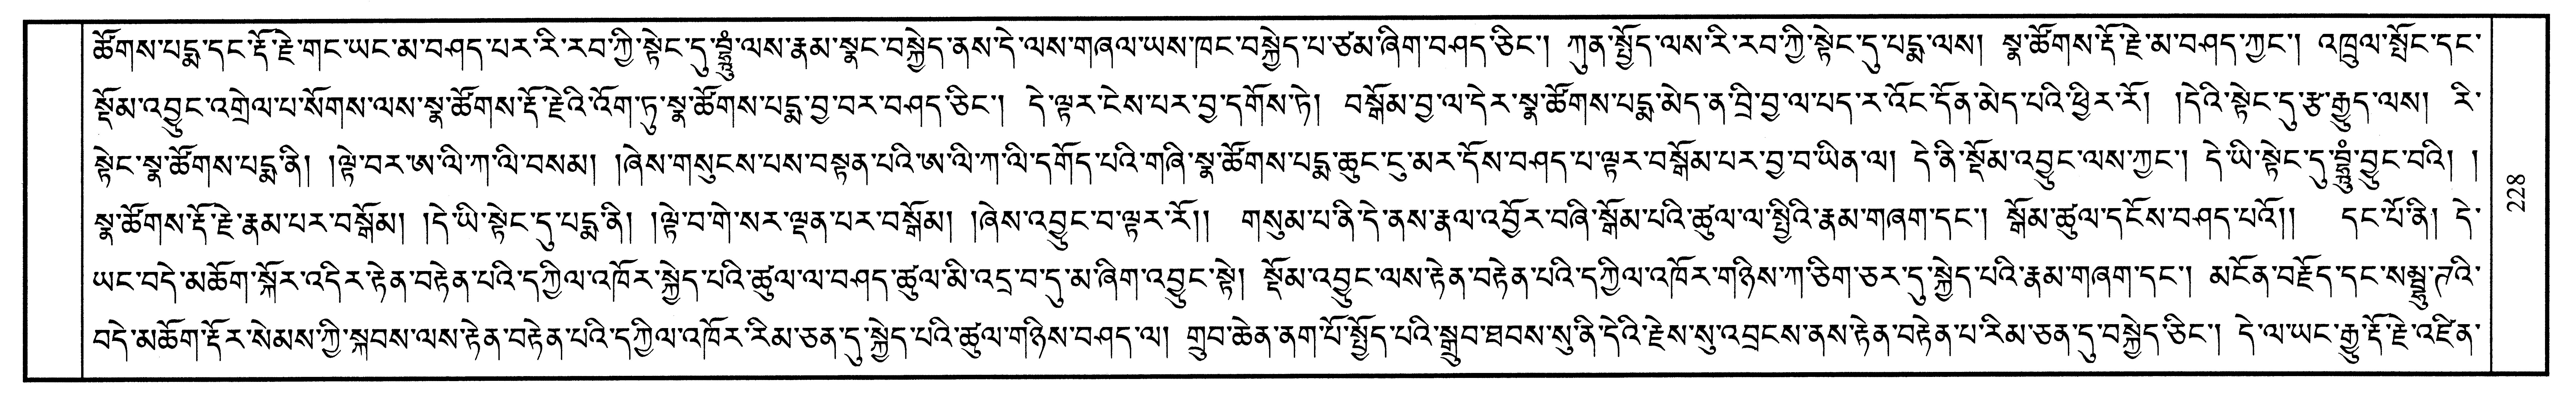ཚོགས་པདམ་དང་རྡོ་རྗེ་གང་ཡང་མ་བཤད་པར་རི་རབ་ཀྱི་སྟེང་དུ་བྷྲཱུཾ་ལས་རྣམ་སྣང་བསྐྱེད་ནས་དེ་ལས་གཞལ་ཡས་ཁང་བསྐྱེད་པ་ཙམ་ཞིག་བཤད་ཅིང་། ཀུན་སྤྱོད་ལས་རི་རབ་ཀྱི་སྟེང་དུ་པདམ་ལས། སྣ་ཚོགས་རྡོ་རྗེ་མ་བཤད་ཀྱང་། འཁྲུལ་སྤོང་དང་
སྡོམ་འབྱུང་འགྲེལ་པ་སོགས་ལས་སྣ་ཚོགས་རྡོ་རྗེའི་འོག་ཏུ་སྣ་ཚོགས་པདམ་བྱ་བར་བཤད་ཅིང་། དེ་ལྟར་ངེས་པར་བྱ་དགོས་ཏེ། བསྒོམ་བྱ་ལ་དེར་སྣ་ཚོགས་པདམ་མེད་ན་བྲི་བྱ་ལ་པད་ར་འོང་དོན་མེད་པའི་ཕྱིར་རོ། །དེའི་སྟེང་དུ་རྩ་རྒྱུད་ལས། རི་
སྟེང་སྣ་ཚོགས་པདམ་ནི། །ལྟེ་བར་ཨ་ལི་ཀ་ལི་བསམ། །ཞེས་གསུངས་པས་བསྟན་པའི་ཨ་ལི་ཀ་ལི་དགོད་པའི་གཞི་སྣ་ཚོགས་པདམ་ཆུང་ངུ་མར་དོས་བཤད་པ་ལྟར་བསྒོམ་པར་བྱ་བ་ཡིན་ལ། དེ་ནི་སྡོམ་འབྱུང་ལས་ཀྱང་། དེ་ཡི་སྟེང་དུ་བྷྲཱུཾ་བྱུང་བའི། །
སྣ་ཚོགས་རྡོ་རྗེ་རྣམ་པར་བསྒོམ། །དེ་ཡི་སྟེང་དུ་པདམ་ནི། །ལྟེ་བ་གེ་སར་ལྡན་པར་བསྒོམ། །ཞེས་འབྱུང་བ་ལྟར་རོ།། གསུམ་པ་ནི་དེ་ནས་རྣལ་འབྱོར་བཞི་སྒོམ་པའི་ཚུལ་ལ་སྤྱིའི་རྣམ་གཞག་དང་། སྒོམ་ཚུལ་དངོས་བཤད་པའོ།། དང་པོ་ནི། དེ་
ཡང་བདེ་མཆོག་སྐོར་འདིར་རྟེན་བརྟེན་པའི་དཀྱིལ་འཁོར་སྐྱེད་པའི་ཚུལ་ལ་བཤད་ཚུལ་མི་འདྲ་བ་དུ་མ་ཞིག་འབྱུང་སྟེ། སྡོམ་འབྱུང་ལས་རྟེན་བརྟེན་པའི་དཀྱིལ་འཁོར་གཉིས་ཀ་ཅིག་ཅར་དུ་སྐྱེད་པའི་རྣམ་གཞག་དང་། མངོན་བརྗོད་དང་སམྦྷུ་ཊའི་
བདེ་མཆོག་རྡོར་སེམས་ཀྱི་སྐབས་ལས་རྟེན་བརྟེན་པའི་དཀྱིལ་འཁོར་རིམ་ཅན་དུ་སྐྱེད་པའི་ཚུལ་གཉིས་བཤད་ལ། གྲུབ་ཆེན་ནག་པོ་སྤྱོད་པའི་སྒྲུབ་ཐབས་སུ་ནི་དེའི་རྗེས་སུ་འབྲངས་ནས་རྟེན་བརྟེན་པའི་རིམ་ཅན་དུ་བསྐྱེད་ཅིང་། དེ་ལ་ཡང་རྒྱུ་རྡོ་རྗེ་འཛིན་